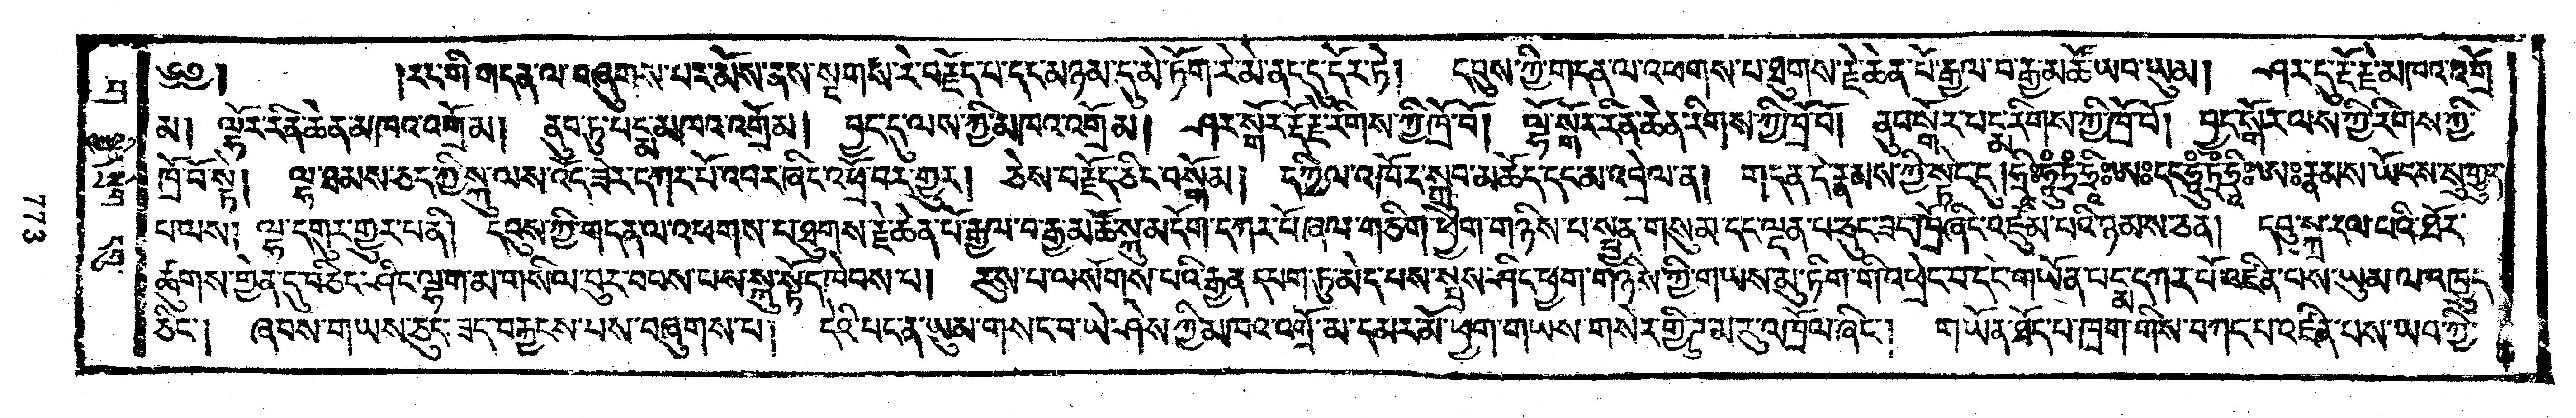༄༅། །རང་གི་གདན་ལ་བཞུགས་པར་མོས་ནས་སྔགས་རེ་བརྗོད་པ་དང་མཉམ་དུ་མེ་ཏོག་རེ་མེ་ནང་དུ་དོར་ཏེ། དབུས་ཀྱི་གདན་ལ་འཕགས་པ་ཐུགས་རྗེ་ཆེན་པོ་རྒྱལ་བ་བརྒྱ་མཚོ་ཡབ་ཡུམ། ཤར་དུ་རྡོ་རྗེ་མཁའ་འགྲོ་
མ། ལྷོར་རིན་ཆེན་མཁའ་འགྲོ་མ། ནུབ་ཏུ་པདམ་མཁའ་འགྲོམ། བྱང་དུ་ལས་ཀྱི་མཁའ་འགྲོམ། ཤར་སྒོར་རྡོ་རྗེ་རིགས་ཀྱི་ཁྲོ་བོ། ལྷོ་སྒོར་རིན་ཆེན་རིགས་ཀྱི་ཁྲོ་བོ། ནུབ་སྒོར་པདམ་རིགས་ཀྱི་ཁྲོ་བོ། བྱང་སྒོར་ལས་ཀྱི་རིགས་ཀྱི་
ཁྲོ་བོ་སྟེ། ལྷ་ཐམས་ཅད་ཀྱི་སྐུ་ལས་འོད་ཟེར་དཀར་པོ་འབར་ཞིང་འཕྲོ་བར་གྱུར། ཅེས་བརྗོད་ཅིང་བསྒོམ། དཀྱིལ་འཁོར་སྒྲུབ་མཆོད་དང་མ་འབྲེལ་ན། གདན་དེ་རྣམས་ཀྱི་སྟེང་དུ། ཧྲཱིཿཧཱུཾ་ཏྲཾ་ཧྲཱིཿཨཿདང་ཧཱུཾ་ཏྲཾ་ཧྲཱིཿཨཿརྣམས་ཡོངས་སུ་གྱུར་
པ་ལས། ལྷ་དགུར་གྱུར་པ་ནི། དབུས་ཀྱི་གདན་ལ་འཕགས་པ་ཐུགས་རྗེ་ཆེན་པོ་རྒྱལ་བ་རྒྱ་མཚོ་སྐུ་མདོག་དཀར་པོ་ཞལ་གཅིག་ཕྱག་གཉིས་པ་སྤྱན་གསུམ་དང་ལྡན་པ་ཅུང་ཟད་ཁྲོ་ཞིང་འཛུམ་པའི་ཉམས་ཅན། དབུ་སྐྲ་རལ་པའི་ཐོར་
ཚུགས་གྱེན་དུ་བཅིང་ཤིང་ལྷག་མ་གསིལ་བུར་བབས་པས་སྐུ་སྟོད་ཁེབས་པ། རུས་པ་ལ་སོགས་པའི་རྒྱན་དཔག་ཏུ་མེད་པས་སྤྲས་ཤིང་ཕྱག་གཉིས་ཀྱི་གཡས་མུ་ཚིག་གི་འཕྲེང་བ་དེང་གཡོན་པདམ་དཀར་པོ་འཛིན་པས་ཡུམ་ལ་འཁྱུད་
ཅིང་། ཞབས་གཡས་ཅུང་ཟད་བརྐྱངས་པས་བཞུགས་པ། དེའི་པང་ན་ཡུམ་གསང་བ་ཡེ་ཤེས་ཀྱི་མཁའ་འགྲོ་མ་དམར་མོ་ཕྱག་གཡས་གསེར་གྱི་ཌུ་མ་རུ་འཁྲོལ་ཞིང་། གཡོན་ཐོད་པ་ཁྲག་གིས་བཀང་པ་འཛིན་པས་ཡབ་ཀྱི་